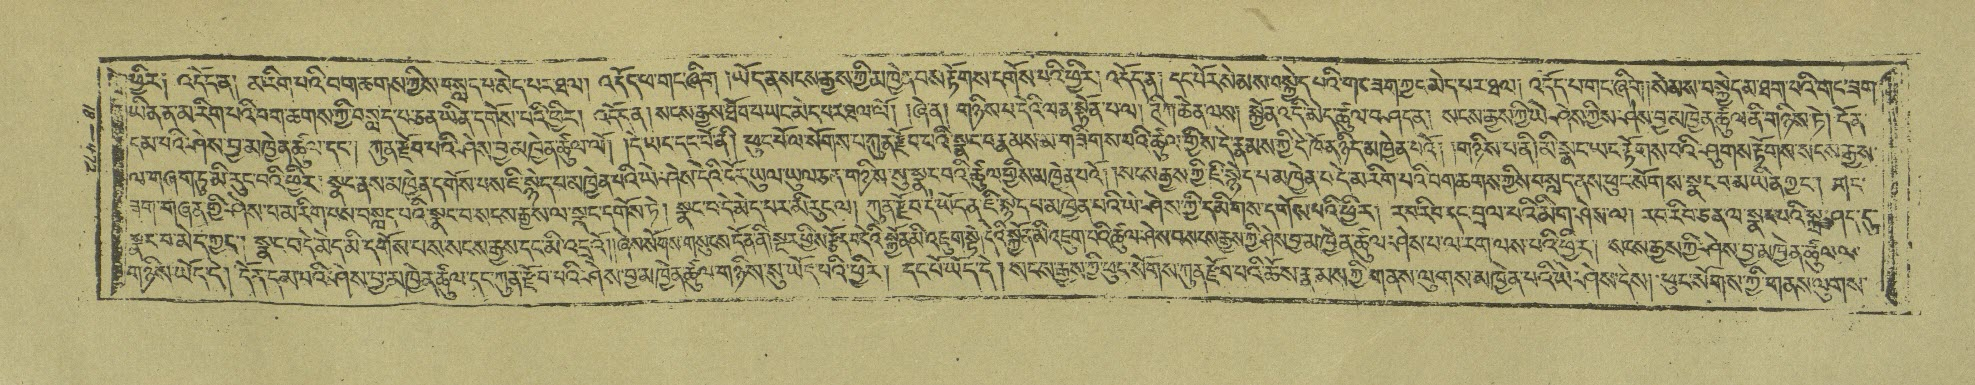ཕྱིར། འདོད་ན། མ་རིག་པའི་བག་ཆགས་ཀྱིས་བསླད་པ་མེད་པར་ཐལ། འདོད་པ་གང་ཞིག །ཡོད་ན་སངས་རྒྱས་ཀྱི་མཁྱེན་པས་རྟོགས་དགོས་པའི་ཕྱིར། འདོད་ན། དང་པོར་སེམས་བསྐྱེད་པའི་གང་ཟག་ཀྱང་མེད་པར་ཐལ། འདོད་པ་གང་ཞིག །སེམས་བསྐྱེད་མ་ཐག་པའི་གང་ཟག་
ཡིན་ན་མ་རིག་པའི་བག་ཆགས་ཀྱི་བསླད་པ་ཅན་ཡིན་དགོས་པའི་ཕྱིར། འདོད་ན། སངས་རྒྱས་ཐོབ་པ་ཡང་མེད་པར་ཐལ་ལོ། །ཞེ་ན། གཉིས་པ་དེའི་ལན་སྟོན་པ་ལ། ཊིཀ་ཆེན་ལས། སྐྱོན་འདི་མེད་ཚུལ་བཤད་ན། སངས་རྒྱས་ཀྱི་ཡེ་ཤེས་ཀྱིས་ཤེས་བྱ་མཁྱེན་ཚུལ་ནི་གཉིས་ཏེ། དོན་
དམ་པའི་ཤེས་བྱ་མཁྱེན་ཚུལ་དང་། ཀུན་རྫོབ་པའི་ཤེས་བྱ་མཁྱེན་ཚུལ་ལོ། །དེ་ཡང་དང་པོ་ནི། ཕུང་པོ་ལ་སོགས་པ་ཀུན་རྫོབ་པའི་སྣང་བ་རྣམས་མ་གཟིགས་པའི་ཚུལ་གྱིས་དེ་རྣམས་ཀྱི་དེ་ཁོ་ན་ཉིད་མཁྱེན་པའོ། །གཉིས་པ་ནི། མི་སྣང་ཡང་རྟོགས་པའི་ཤུགས་རྟོགས་སངས་རྒྱས་
ལ་གཞག་ཏུ་མི་རུང་བའི་ཕྱིར། སྣང་ནས་མཁྱེན་དགོས་པས་ཇི་སྙེད་པ་མཁྱེན་པའི་ཡེ་ཤེས་དེའི་ངོར་ཡུལ་ཡུལ་ཅན་གཉིས་སུ་སྣང་བའི་ཚུལ་གྱིས་མཁྱེན་པའོ། །སངས་རྒྱས་ཀྱི་ཇི་སྙེད་པ་མཁྱེན་པ་དེ་མ་རིག་པའི་བག་ཆགས་ཀྱིས་བསླད་ནས་ཕུང་སོགས་སྣང་བ་མ་ཡིན་ཀྱང་། གང་
ཟག་གཞན་གྱི་ཤེས་པ་མ་རིག་པས་བསླད་པའི་སྣང་བ་སངས་རྒྱས་ལ་སྣང་དགོས་ཏེ། སྣང་བ་དེ་མེད་པར་མི་རུང་ལ། ཀུན་རྫོབ་དེ་ཡོད་ན་ཇི་སྙེད་པ་མཁྱེན་པའི་ཡེ་ཤེས་ཀྱི་དམིགས་དགོས་པའི་ཕྱིར། རབ་རིབ་དང་བྲལ་བའི་མིག་ཤེས་ལ། རབ་རིབ་ཅན་ལ་སྣང་བའི་སྐྲ་ཤད་དུ་
སྣང་བ་མེད་ཀྱང་། སྣང་བ་དེ་མེད་མི་དགོས་པས་སངས་རྒྱས་དང་མི་འདྲའོ། །ཞེས་སོགས་གསུངས། དོན་ནི། སྔར་གྱིས་རྩོད་པ་དེའི་སྐྱོན་མི་འཇུག་སྟེ། དེའི་སྐྱོན་མི་འཇུག་པའི་ཚུལ་ཤེས་པ་སངས་རྒྱས་ཀྱི་ཤེས་བྱ་མཁྱེན་ཚུལ་ཤེས་པ་ལ་རག་ལས་པའི་ཕྱིར། སངས་རྒྱས་ཀྱི་ཤེས་བྱ་མཁྱེན་ཚུལ་ལ་
གཉིས་ཡོད་དེ། དོན་དམ་པའི་ཤེས་བྱ་མཁྱེན་ཚུལ་དང་ཀུན་རྫོབ་པའི་ཤེས་བྱ་མཁྱེན་ཚུལ་གཉིས་སུ་ཡོད་པའི་ཕྱིར། དང་པོ་ཡོད་དེ། སངས་རྒྱས་ཀྱི་ཕུང་སོགས་ཀུན་རྫོབ་པའི་ཆོས་རྣམས་ཀྱི་གནས་ལུགས་མཁྱེན་པའི་ཡེ་ཤེས་དེས། ཕུང་སོགས་ཀྱི་གནས་ལུགས་